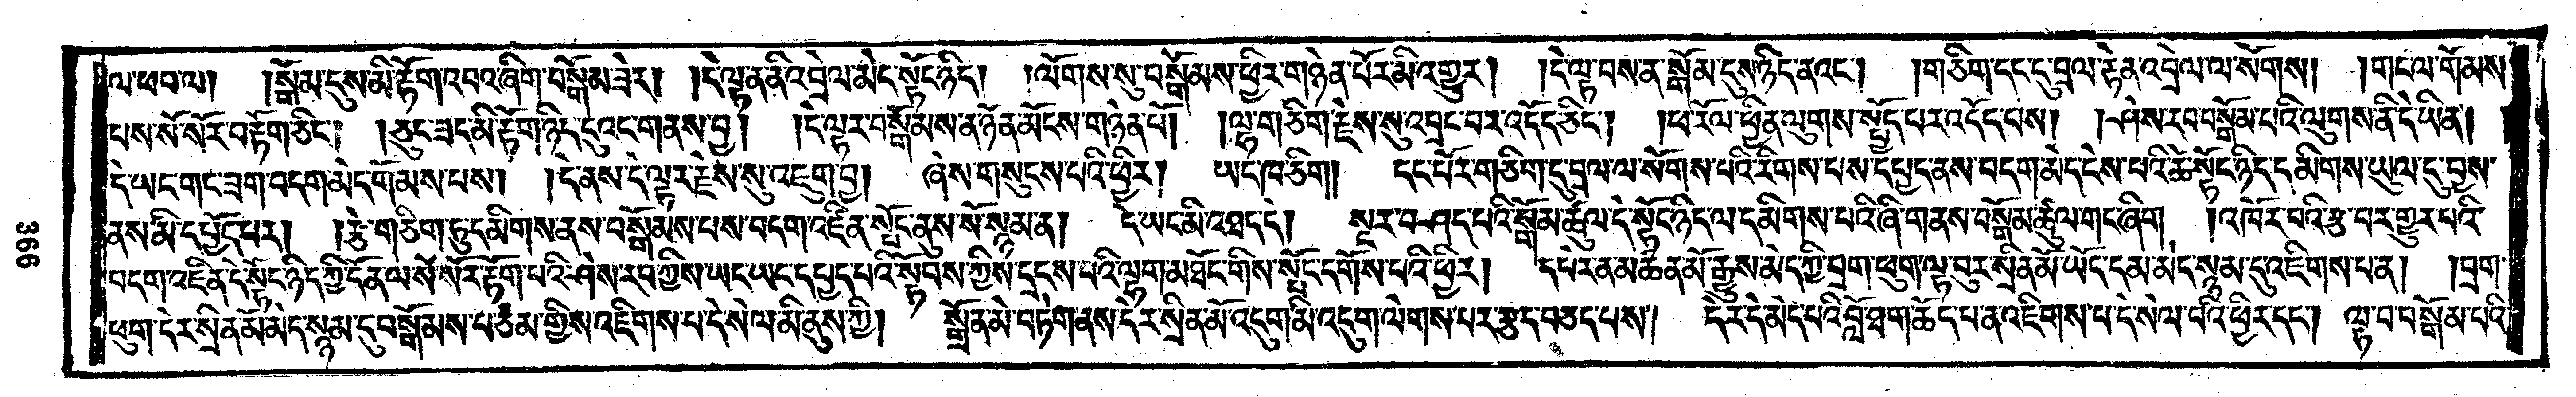ལ་ཕབ་ལ། །སྒོམ་དུས་མི་རྟོག་འབའ་ཞིག་བསྒོམ་ཟེར། །དེ་ལྟ་ན་ནི་འབྲེལ་མེད་སྟོང་ཉིད། །ལོགས་སུ་བསྒོམས་ཕྱིར་གཉེན་པོར་མི་འགྱུར། །དེ་ལྟ་བས་ན་སྒོམ་དུས་ཉིད་ནའང་། །གཅིག་དང་དུ་བྲལ་རྟེན་འབྲེལ་ལ་སོགས། །གང་ལ་གོམས་
པས་སོ་སོར་བརྟོག་ཅིང་། །ཅུང་ཟད་མི་རྟོག་ཉིད་དུའང་གནས་བྱ། །དེ་ལྟར་བསྒོམས་ན་ཉོན་མོངས་གཉེན་པོ། །ལྷ་གཅིག་རྗེས་སུ་འབྲང་བར་འདོད་ཅིང་། །ཕ་རོལ་ཕྱིན་ལུགས་སྤྱོད་པར་འདོད་པས། །ཤེས་རབ་བསྒོམ་པའི་ལུགས་ནི་དེ་ཡིན།
དེ་ཡང་གང་ཟག་བདག་མེད་གོམས་པས། །དེ་ནས་དེ་ལྟར་རྗེས་སུ་འཇུག་བྱ། ཞེས་གསུངས་པའི་ཕྱིར། ཡང་ཁ་ཅིག། དང་པོར་གཅིག་དུ་བྲལ་ལ་སོགས་པའི་རིགས་པས་དཔྱད་ནས་བདག་མེད་ངེས་པའི་ཆོ་སྟོང་ཉིད་དམིགས་ཡུལ་དུ་བྱས་
ནས་མི་དཔྱོད་པར། །རྩེ་གཅིག་ཏུ་དམིགས་ནས་བསྒོམས་པས་བདག་འཛིན་སྤོང་ནུས་སོ་སྙམ་ན། དེ་ཡང་མི་འཐད་དེ། སྔར་བཤད་པའི་སྒོམ་ཚུལ་དེ་སྟོང་ཉིད་ལ་དམིགས་པའི་ཞི་གནས་བསྒོམ་ཚུལ་གང་ཞིག །འཁོར་བའི་རྩ་བར་གྱུར་པའི་
བདག་འཛིན་དེ་སྟོང་ཉིད་ཀྱི་དོན་ལ་སོ་སོར་རྟོག་པའི་ཤེས་རབ་ཀྱིས་ཡང་ཡང་དཔྱད་པའི་སྟོབས་ཀྱིས་དྲངས་པའི་ལྷག་མཐོང་གིས་སྤོང་དགོས་པའི་ཕྱིར། དཔེར་ན་མཚན་མོ་རྒྱུས་མེད་ཀྱི་བྲག་ཕུག་ལྟ་བུར་སྲིན་མོ་ཡོད་དམ་མེད་སྙམ་དུ་འཇིགས་པ་ན། །བྲག་
ཕུག་དེར་སྲིན་མོ་མེད་སྙམ་དུ་བསྒོམས་པ་ཙམ་གྱིས་འཇིགས་པ་དེ་སེལ་མི་ནུས་ཀྱི། སྒྲོན་མེ་བཏེག་ནས་དེར་སྲིན་མོ་འདུག་མི་འདུག་ལེགས་པར་རྩད་བཅད་པས། དེར་དེ་མེད་པའི་བློ་ཐག་ཆོད་པ་ན་འཇིགས་པ་དེ་སེལ་བའི་ཕྱིར་དང་། ལྟ་བ་བསྒོམ་པའི་